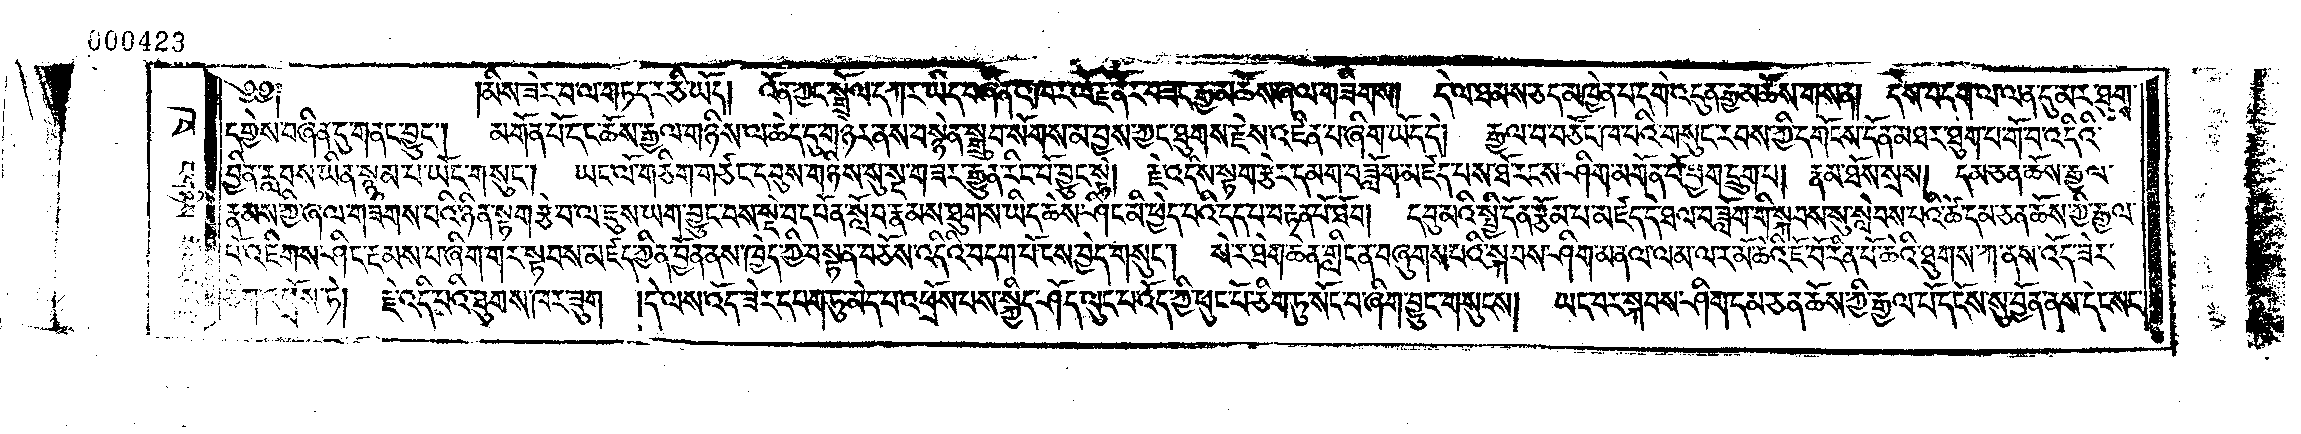༄༅། །མིས་ཟེར་བ་ལ་གཏད་ར་ཅི་ཡོད། འོན་ཀྱང་སྒྲོལ་དཀར་ཡིད་བཞིན་འཁོར་ལོ་རྗེ་ནོར་བཟང་རྒྱ་མཚོས་ཞལ་གཟིགས། དེ་ལ་ཐམས་ཅད་མཁྱེན་པ་དགེ་འདུན་རྒྱ་མཚོས་གསན། དེས་བདག་ལ་ལན་དུ་མར་ཐུགས་
དགྱེས་བཞིན་དུ་གནང་བྱུང་། མགོན་པོ་དང་ཆོས་རྒྱལ་གཉིས་ལ་ཆེད་དུ་གཉེར་ནས་བསྙེན་སྒྲུབ་སོགས་མ་བྱས་ཀྱང་ཐུགས་རྗེས་འཛིན་པ་ཞིག་ཡོད་དེ། རྒྱལ་བ་བཙོང་ཁ་པའི་གསུང་རབས་ཀྱི་དགོངས་དོན་མཐར་ཐུག་པ་གོ་བ་འདིའི་
བྱིན་རླབས་ཡིན་སྙམ་པ་ཡོང་གསུང་། ཡང་ལོ་གཅིག་གཙང་དབུས་གཉིས་སུ་སྡེ་གཟར་རྒྱུན་རིང་པོ་བྱུང་སྟེ། རྗེ་འདིས་སྟག་རྩེར་དམག་བཟློག་མཛད་པས་ཐོ་རངས་ཤིག་མགོན་པོ་ཕྱག་དྲུག་པ། རྣམ་ཐོས་སྲས། དམ་ཅན་ཆོས་རྒྱལ་
རྣམས་ཀྱི་ཞལ་གཟིགས་པའི་ཉིན་སྟག་རྩེ་བ་ལ་ཇུས་ཡག་བྱུང་བས་སྡེ་བ་དཔོན་སློབ་རྣམས་ཐུགས་ཡིད་ཆེས་ཤིང་མི་ཕྱེད་པའི་དད་པ་བརྟན་པོ་ཐོབ། དབུ་མའི་སྤྱི་དོན་རྩོམ་པ་མཛད་དེ་ཐལ་བཟློག་གི་སྐབས་སུ་སླེབས་པའི་ཚེ་དམ་ཅན་ཆོས་ཀྱི་རྒྱལ་
པོ་འཇིགས་ཤིང་རྔམས་པ་ཞིག་གར་སྟབས་མཛད་ཀྱིན་བྱོན་ནས་ཁྱེད་ཀྱི་བསྟན་བཅོས་འདིའི་བདག་པོ་ངས་བྱེད་གསུང་། སེར་ཐེག་ཆེན་གླིང་ན་བཞུགས་པའི་སྐབས་ཤིག་མནལ་ལམ་ལ་ར་མོ་ཆེའི་ངོ་བོ་རིན་པོ་ཆེའི་ཐུགས་ཀ་ནས་འོད་ཟེར་
ཅིག་འཕྲོས་ཏེ། རྗེ་འདི་པའི་ཐུགས་ཁར་ཟུག །དེ་ལས་འོད་ཟེར་དཔག་ཏུ་མེད་པ་འཕྲོས་པས་སྐྱིད་ཤོད་ལུང་པ་འོད་ཀྱི་ལུང་པོ་ཅིག་ཏུ་སོང་བ་ཞིག་བྱུང་གསུངས། ཡང་བར་སྐབས་ཤིག་དམ་ཅན་ཆོས་ཀྱི་རྒྱལ་པོ་དངོས་སུ་བྱོན་ནས་དེང་སང་